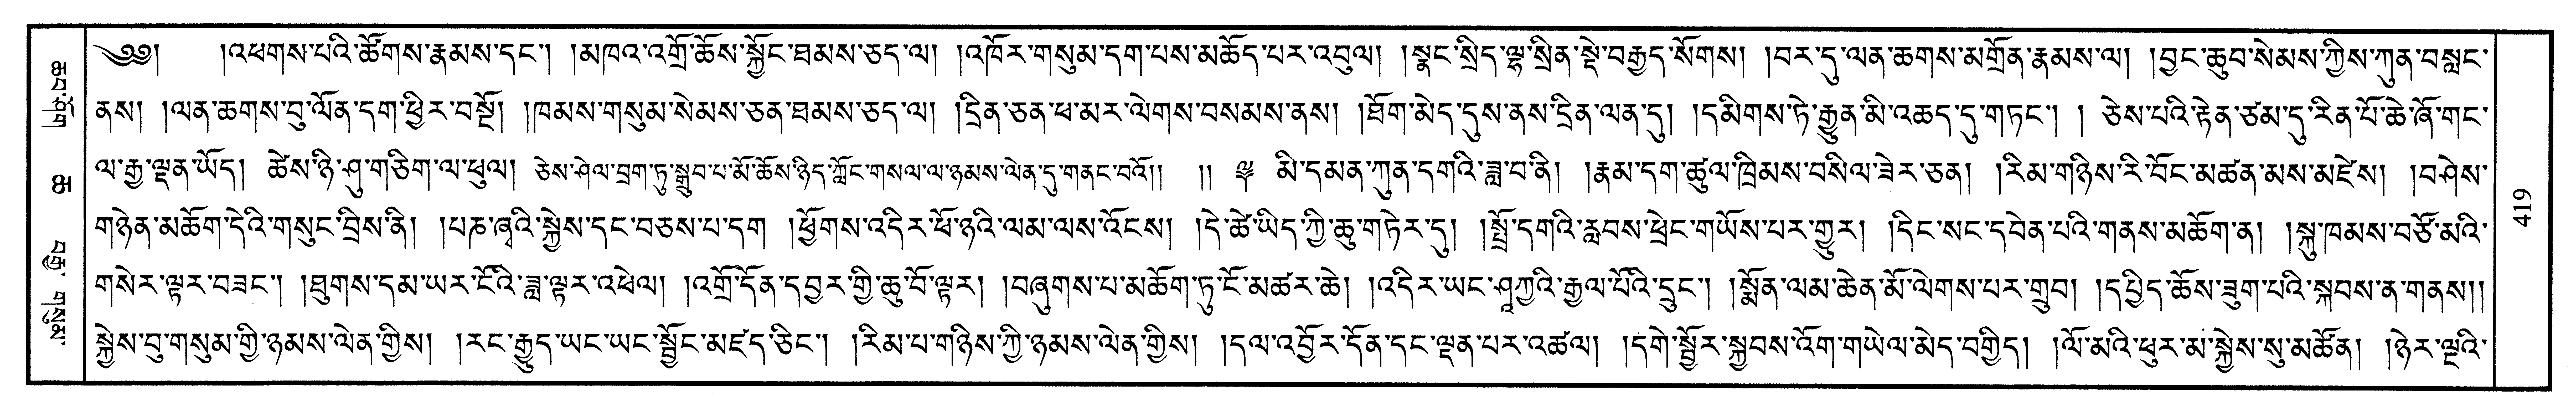༄༅། །འཕགས་པའི་ཚོགས་རྣམས་དང་། །མཁའ་འགྲོ་ཆོས་སྐྱོང་ཐམས་ཅད་ལ། །འཁོར་གསུམ་དག་པས་མཆོད་པར་འབུལ། །སྣང་སྲིད་ལྷ་སྲིན་སྡེ་བརྒྱད་སོགས། །བར་དུ་ལན་ཆགས་མགྲོན་རྣམས་ལ། །བྱང་ཆུབ་སེམས་ཀྱིས་ཀུན་བསླང་
ནས། །ལན་ཆགས་བུ་ལོན་དག་ཕྱིར་བསྔོ། །ཁམས་གསུམ་སེམས་ཅན་ཐམས་ཅད་ལ། །དྲིན་ཅན་ཕ་མར་ལེགས་བསམས་ནས། །ཐོག་མེད་དུས་ནས་དྲིན་ལན་དུ། །དམིགས་ཏེ་རྒྱུན་མི་འཆད་དུ་གཏང་། །ཅེས་པའི་རྟེན་ཙམ་དུ་རིན་པོ་ཆེ་ཞོ་གང་
ལ་རྒྱ་ལྡན་ཡོད། །ཚེས་ཉི་ཤུ་གཅིག་ལ་ཕུལ། །ཅེས་ཤེལ་བྲག་ཏུ་སྒྲུབ་པ་མོ་ཆོས་ཉིད་ཀློང་གསལ་ལ་ཉམས་ལེན་དུ་གནང་བའོ།། །། ༈ མི་དམན་ཀུན་དགའི་ཟླ་བ་ནི། །རྣམ་དག་ཚུལ་ཁྲིམས་བསིལ་ཟེར་ཅན། །རིམ་གཉིས་རི་བོང་མཚན་མས་མཛེས། །བཤེས་
གཉེན་མཆོག་དེའི་གསུང་བྲིས་ནི། །པཎ་ཞྭའི་སྐྱེས་དང་བཅས་པ་དག །ཕྱོགས་འདིར་ཕོ་ཉའི་ལམ་ལས་འོངས། །དེ་ཚེ་ཡིད་ཀྱི་ཆུ་གཏེར་དུ། །སྤྲོ་དགའི་རླབས་ཕྲེང་གཡོས་པར་གྱུར། །དིང་སང་དབེན་པའི་གནས་མཆོག་ན། །སྐུ་ཁམས་བཙོ་མའི་
གསེར་ལྟར་བཟང་། །ཐུགས་དམ་ཡར་ངོའི་ཟླ་ལྟར་འཕེལ། །འགྲོ་དོན་དབྱར་གྱི་ཆུ་བོ་ལྟར། །བཞུགས་པ་མཆོག་ཏུ་ངོ་མཚར་ཆེ། །འདིར་ཡང་ཤཱཀྱའི་རྒྱལ་པོའི་དྲུང་། །སྨོན་ལམ་ཆེན་མོ་ལེགས་པར་གྲུབ། །དཔྱིད་ཆོས་ཟུག་པའི་སྐབས་ན་གནས།།
སྐྱེས་བུ་གསུམ་གྱི་ཉམས་ལེན་གྱིས། །རང་རྒྱུད་ཡང་ཡང་སྦྱོང་མཛད་ཅིང་། །རིམ་པ་གཉིས་ཀྱི་ཉམས་ལེན་གྱིས། །དལ་འབྱོར་དོན་དང་ལྡན་པར་འཚལ། །དགེ་སྦྱོར་སྐྱབས་འོག་གཡེལ་མེད་བགྱིད། །ལོ་མའི་ཕུར་མ་སྐྱེས་སུ་མཚོན། །ཉེར་ལྔའི་